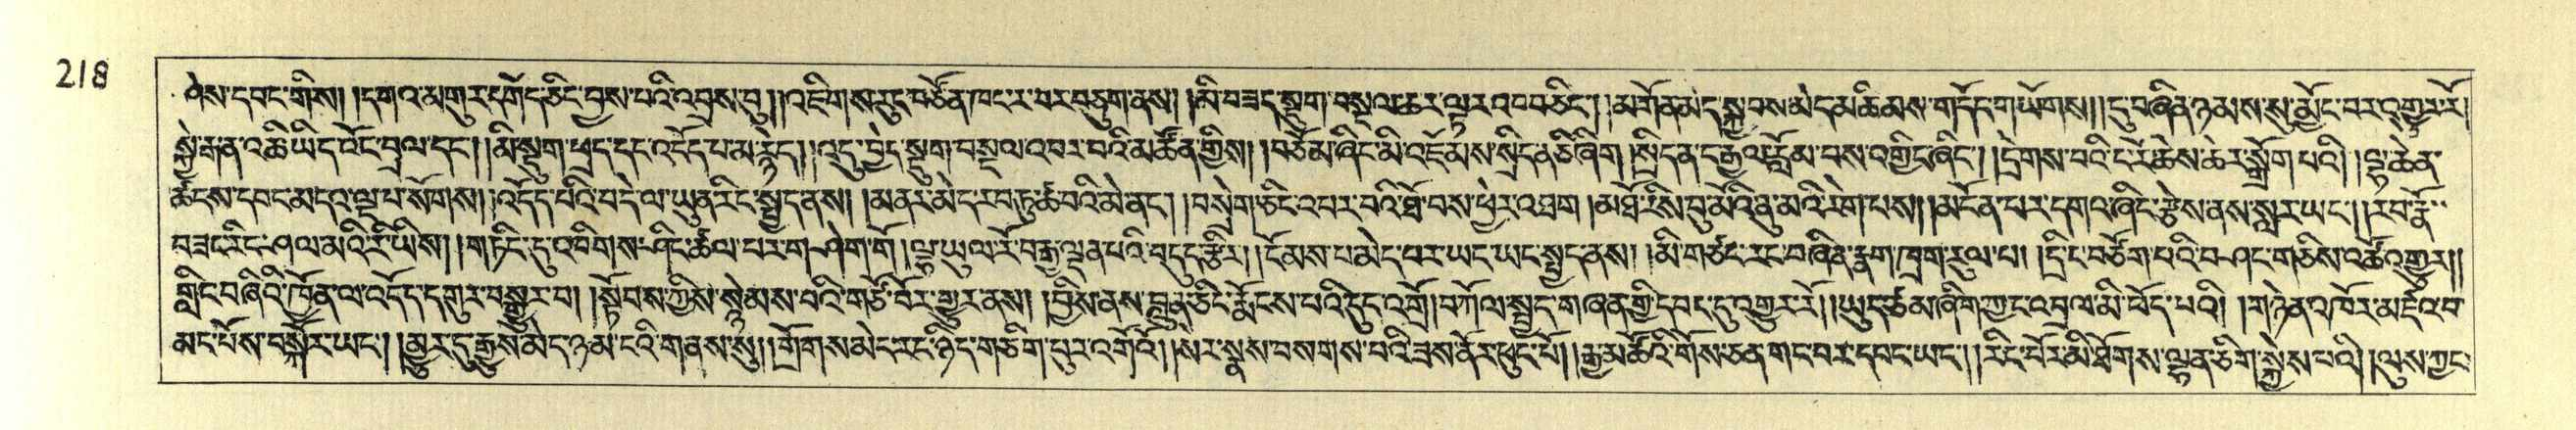ཤེས་དབང་གིས། །དགའ་མགུར་དགོད་ཅིང་བྱས་པའི་འབྲས་བུ། །འཇིགས་རུང་བཙོན་ཁང་ར་བར་བཅུག་ནས། །མི་བཟད་སྡུག་བསྔལ་ཆར་ལྟར་འབབ་ཅིང་། །མགོན་མེད་སྐྱབས་མེད་མཆིམས་གདོང་གཡོགས། །དུ་བཞིན་ཉམས་སུ་མྱོང་བར་འགྱུར་རོ།
སྐྱེ་རྒ་ན་འཆི་ཡིད་འོང་བྲལ་དང་། །མི་སྡུག་ཕྲད་དང་འདོད་པ་མ་རྙེད། །འདུ་བྱེད་སྡུག་བསྔལ་འབར་བའི་མཚོན་གྱིས། །བཅོམ་ཞིང་མི་འཇོམས་སྲིད་ན་ཅི་ཞིག །སྲིད་ན་ང་རྒྱལ་རློམ་བས་འགྱིང་ཞིང་། །དྲེགས་པའི་ང་རོ་ཆེས་ཆེར་སྒྲོག་པའི། །ལྷ་ཆེན་
ཚངས་དབང་མདའ་ལྔ་པ་སོགས། །འདོད་པའི་བདེ་ལ་ཡུན་རིང་སྤྱད་ནས། །མནར་མེད་རབ་ཏུ་ཚ་བའི་མེ་ནང་། །བསྲེག་ཅིང་འྤར་བའི་ཐོ་བས་ཕྱེར་འཐག །མཐོ་རིས་བུ་མོའི་ནུ་མའི་རེག་པས། །མངོན་པར་དགའ་ཞིང་རྩེས་ནས་སླར་ཡང་། །རབ་རྣོ་
བཟང་རིང་ཤལ་མའི་རི་ཡིས། །གཏིང་དུ་འབིགས་ཤིང་ཚལ་པར་གཤེག་གོ །ལྷ་ཡུལ་རོ་བརྒྱ་ལྡན་པའི་བདུད་རྩིར། །ངོམས་པ་མེད་པར་ཡང་ཡང་སྤྱད་ནས། །མི་གཙང་རང་བཞིན་རང་ཁྲག་རུལ་པ། །དྲི་ང་བཙོག་པའི་བཤང་གཅིས་འཚོ་འགྱུར།།
གླིང་བཞིའི་ཁྱོན་ལ་འདོད་དགུར་བསྒྱུར་བ། །སྟོབས་ཀྱིས་སྙེམས་བའི་གཙོ་བོར་གྱུར་ནས། །བྱིས་ནས་བླུན་ཅིང་རྨོངས་པའི་དུད་འགྲོ། །བཀོལ་སྤྱད་གཞན་གྱི་དབང་དུ་འགྱུར་རོ། །ཡུད་ཙམ་ཞིག་ཀྱང་འབྲལ་མི་ཕོད་པའི། །གཉེན་འཁོར་མཛའ་བ་
མང་པོས་བསྐོར་ཡང་། །མྱུར་དུ་རྒྱུས་མེད་ཉམ་ངའི་གནས་སུ། །གྲོགས་མེད་རང་ཉིད་གཅིག་པུར་འགོའོ། །སེར་སྣས་བསགས་པའི་ཟས་ནོར་ཕུང་པོ། །རྒྱ་མཚོའི་གོས་ཅན་གང་བར་དབང་ཡང་། །རིང་པོར་མི་ཐོགས་ལྷན་ཅིག་སྐྱེས་པའི། །ལུས་ཀྱང་